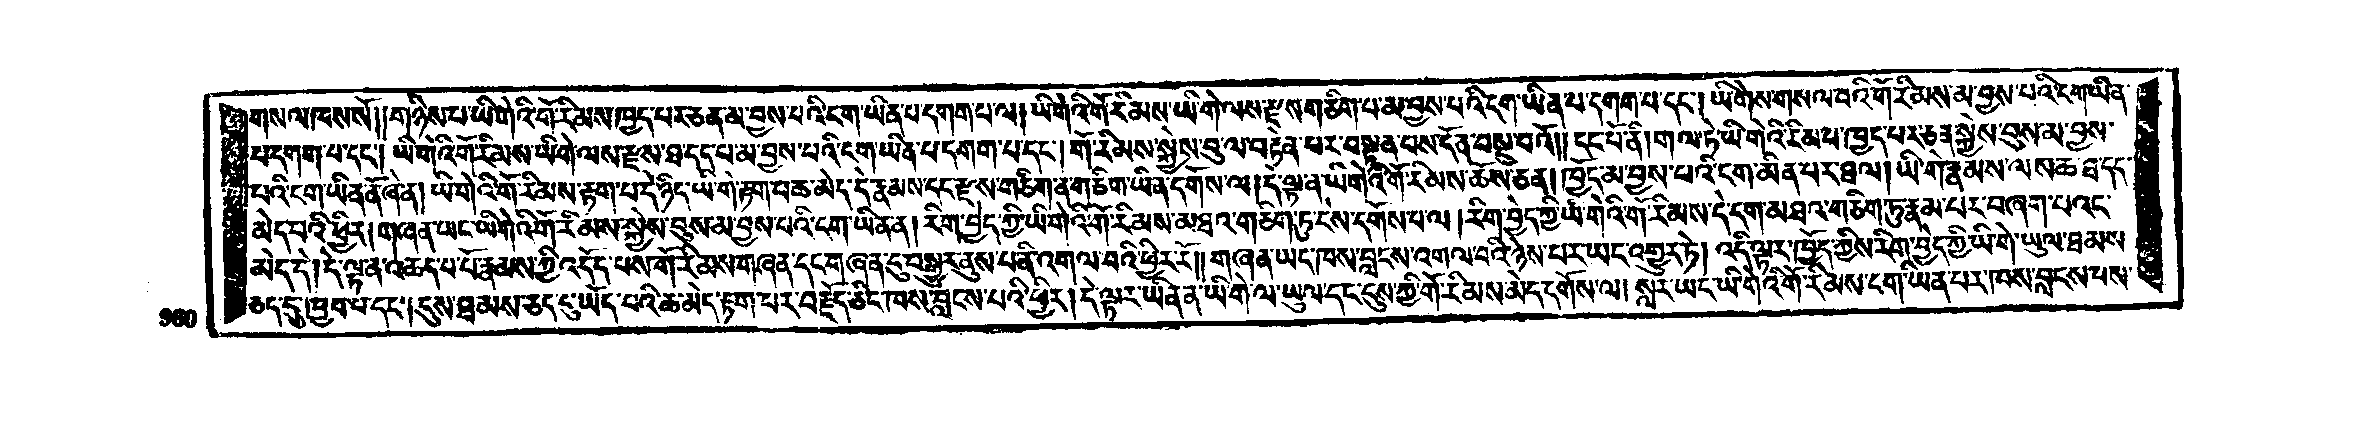གསལ་ཁས་སོ། །གཉིས་པ་ཡི་གེའི་གོ་རིམས་ཁྱད་པར་ཅན་མ་བྱས་པའི་ངག་ཡིན་པ་དགག་པ་ལ། གོ་རིམས་ཡི་གེ་ལས་རྫས་གཅིག་པ་མ་བྱས་པའི་ངག་ཡིན་པ་དགག་པ་དང་། ཡི་གེ་གསལ་བའི་གོ་རིམས་མ་བྱས་པའི་ངག་ཡིན་
པ་དགག་པ་དང་། ཡི་གེའི་གོ་རིམས་ཡི་གེ་ལས་རྫས་ཐ་དད་པ་མ་བྱས་པའི་ངག་ཡིན་པ་དགག་པ་དང་། གོ་རིམས་སྐྱེས་བུ་ལ་བརྟེན་པར་བསྟན་པས་དོན་བསྡུ་བའོ། །དང་པོ་ནི། གལ་ཏེ་ཡི་གེའི་རིམ་པ་ཁྱད་པར་ཅན་སྐྱེས་བུས་མ་བྱས་
པའི་ངག་ཡིན་ནོ་ཞེ་ན། ཡི་གེའི་གོ་རིམས་རྟག་པ་དེ་ཉིད་ཡི་གེ་རྟག་པ་ཆ་མེད་དེ་རྣམས་དང་རྫས་གཅིག་ན་གཅིག་ཡིན་དགོས་ལ། དེ་ལྟ་ན་ཡི་གེའི་གོ་རིམས་ཆོས་ཅན། ཁྱོད་མ་བྱས་པའི་ངག་མིན་པར་ཐལ། ཡི་གེ་རྣམས་ལས་ཆ་ཐ་དད་
མེད་པའི་ཕྱིར། གཞན་ཡང་ཡི་གེའི་གོ་རིམས་སྐྱེས་བུས་མ་བྱས་པའི་ངག་ཡིན་ན། རིག་བྱེད་ཀྱི་ཡི་གེའི་གོ་རིམས་མཐའ་གཅིག་ཏུ་ངེས་དགོས་པ་ལ། རིག་བྱེད་ཀྱི་ཡི་གེའི་གོ་རིམས་དེ་དག་མཐའ་གཅིག་ཏུ་རྣམ་པར་བཞག་པའང་
མེད་དེ། དེ་ལྟ་ན་འཆད་པ་པོ་རྣམས་ཀྱི་འདོད་པས་གོ་རིམས་གཞན་དང་གཞན་དུ་བསྒྱུར་ནུས་པ་ནི་འགལ་བའི་ཕྱིར་རོ། གཞན་ཡང་ཁས་བླངས་འགལ་བའི་ཉེས་པར་ཡང་འགྱུར་ཏེ། འདི་ལྟར་ཁྱོད་ཀྱིས་རིག་བྱེད་ཀྱི་ཡི་གེ་ཡུལ་ཐམས་
ཅད་དུ་ཁྱབ་པ་དང་། དུས་ཐམས་ཅད་དུ་ཡོད་པའི་ཆ་མེད་རྟག་པར་བརྗོད་ཅིང་ཁས་བླངས་པའི་ཕྱིར། དེ་ལྟར་ཡིན་ན་ཡི་གེ་ལ་ཡུལ་དང་དུས་ཀྱི་གོ་རིམས་མེད་དགོས་ལ། སླར་ཡང་ཡི་གེའི་གོ་རིམས་ངག་ཡིན་པར་ཁས་བླངས་པས་